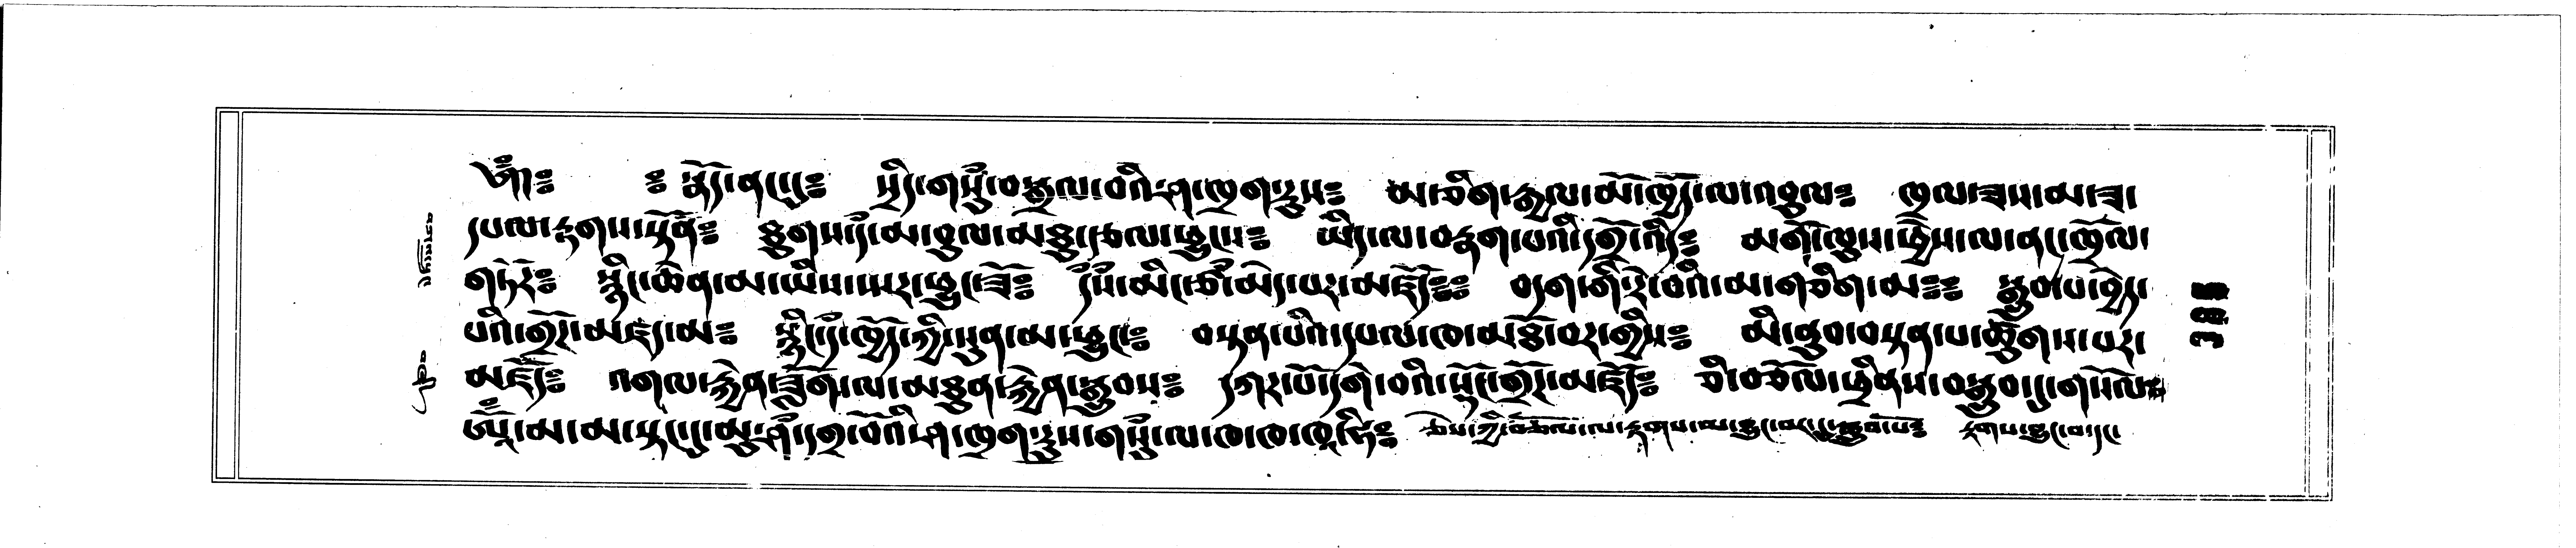༔སྣོད་ནང་དུ༔ སྲིད་གསུམ་བསྒྲལ་བའི་ཤ་ཁྲག་རུས༔ མ་ཅིག་རྒྱལ་མོ་ཁྱོད་ལ་འབུལ༔ ཁྲལ་ཟས་མ་ཟ་
དཔལ་རྟགས་སྟོན༔ ཐུགས་དམ་མ་བུལ་མཐུ་རྩལ་ཕྱུངས༔ ཡིད་ལ་བརྣག་པའི་དགྲ་བོ་འདི༔ མགོ་ལུས་ཕྱེས་ལ་ནང་ཁྲོལ་
གཏོར༔ སྙིང་ཆེན་མ་ཡིས་སྤར་ཕྱུང་ཟོ༔ དམ་ཉམས་མིང་ཙམ་མེད་པར་མཛོད༔༔ བདག་གི་རེ་བའི་མ་གཅིག་མ༔༔ སྒྲུབ་པ་བྱེད་
པའི་གྲོགས་མཛད་མ༔ སྙིང་དམ་ཁྱོད་ཀྱི་སུན་མ་ཕྱུང་༔ བསྟན་པའི་དཔལ་ཁ་མཐོ་བར་གྱིས༔ མི་ནུབ་བསྟན་པ་ཚུགས་པར་
མཛོད༔ འགལ་རྐྱེན་ཟློག་ལ་མཐུན་རྐྱེན་སྒྲུབས༔ དཀར་པོ་དགེ་བའི་སྡོང་གྲོགས་མཛོད༔ ཅི་བཅོལ་ཕྲིན་ལས་བསྒྲུབ་དུ་གསོལ༔ 
ཨཱོཾ་མ་མ་སྟང་དུ་མུ་ཤཾ་དགྲ་བོའི་ཤ་ཁྲག་རུས་གསུམ་ལ་ཁ་ཁ་ཁཱ་ཧི༔ ཅེས་ཀྱི་བཅོལ་ལ་རྟགས་མ་བྱུང་བར་དུ་སྒྲུབ་པོ༔ རྟགས་བྱུང་བ་དང་